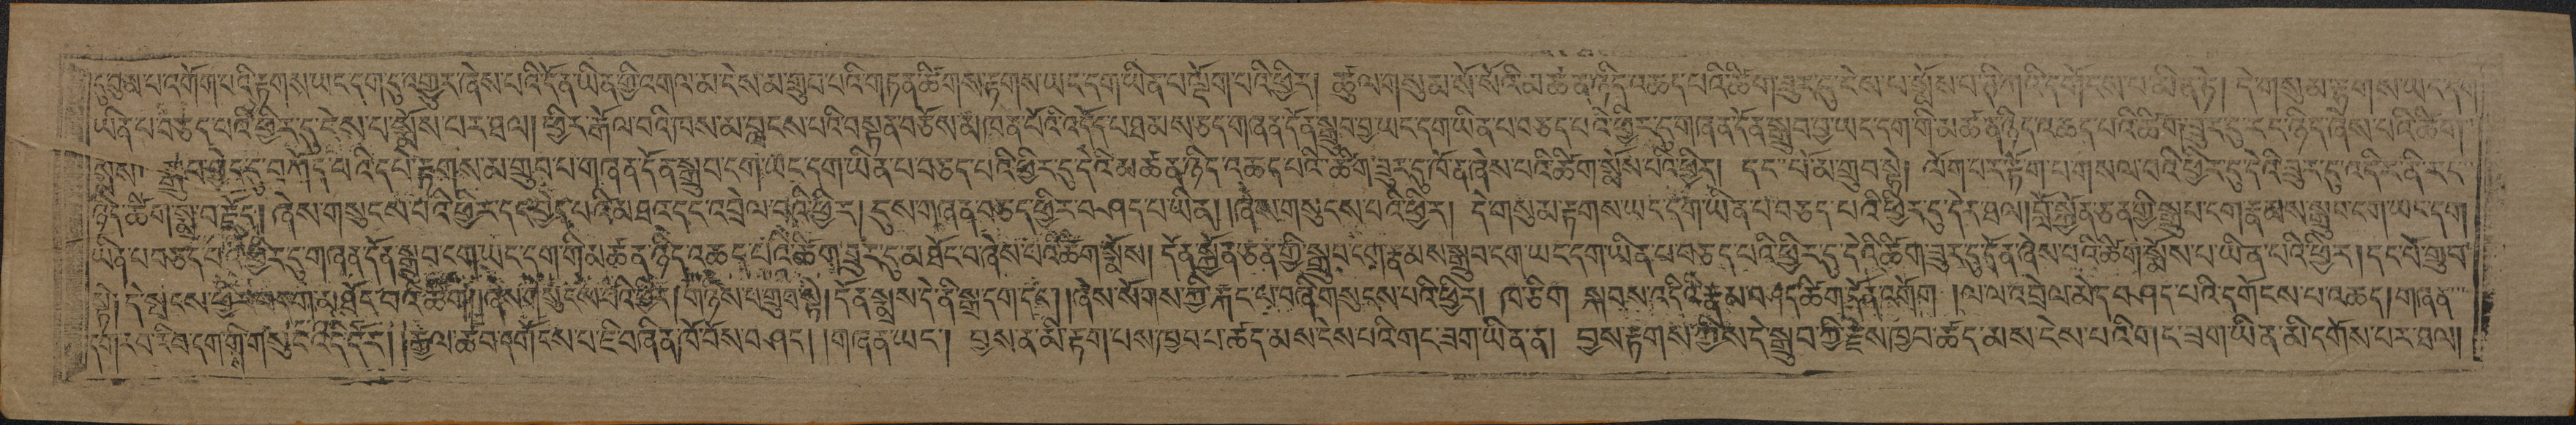དུ་བུམ་པ་འགོག་པའི་རྟགས་ཡང་དག་དུ་འགྱུར་ཞེས་པའི་དོན་ཡིན་གྱི་འགལ་མ་ངེས་མ་གྲུབ་པའི་གཏན་ཚིགས་རྟགས་ཡང་དག་ཡིན་པ་ལྡོག་པའི་ཕྱིར། ཚུལ་གསུམ་སོ་སོའི་མཚན་ཉིད་འཆད་པའི་ཚིག་ཟུར་དུ་ངེས་པ་སྨོས་པ་ཊི་ཀའི་དགོངས་པ་མིན་ཏེ། དེ་གསུམ་རྟགས་ཡང་དག་
ཡིན་པ་བཅད་པའི་ཕྱིར་དུ་ངེས་པ་སྨོས་པར་ཐལ། ཕྱིར་རྒོལ་བའི་ཁས་མ་བླངས་པའི་བསྟན་བཅོས་མཁན་པོའི་འདོད་པ་ཐམས་ཅད་གཞན་དོན་སྒྲུབ་བྱ་ཡང་དག་ཡིན་པ་བཅད་པའི་ཕྱིར་དུ་གཞན་དོན་སྒྲུབ་བྱ་ཡང་དག་གི་མཚན་ཉིད་འཆད་པའི་ཚིག་ཟུར་དུ་རང་ཉིད་ཞེས་པའི་ཚིག་
སྨས། སྒྲུབ་བྱེད་དུ་བགོད་པའི་དཔེ་རྟགས་མ་གྲུབ་པ་གཞན་དོན་སྒྲུབ་ངག་ཡང་དག་ཡིན་པ་བཅད་པའི་ཕྱིར་དུ་དེའི་མཚན་ཉིད་འཆད་པའི་ཚིག་ཟུར་དུ་ཁོ་ན་ཞེས་པའི་ཚིག་སྨོས་པའི་ཕྱིར། དང་པོ་མ་གྲུབ་སྟེ། ལོག་པར་རྟོག་པ་གསལ་བའི་ཕྱིར་དུ་དེའི་ཟུར་དུ་འདིར་ནི་རང་
ཉིད་ཚིག་སྨྲ་བརྗོད། ཞེས་གསུངས་པའི་ཕྱིར་དང་བྱེད་པའི་མཐའ་དང་འབྲེལ་བའི་ཕྱིར། དུས་གཞན་བཅད་ཕྱིར་བཤད་པ་ཡིན། །ཞེས་གསུངས་པའི་ཕྱིར། དེ་གསུམ་རྟགས་ཡང་དག་ཡིན་པ་བཅད་པའི་ཕྱིར་དུ་དེར་ཐལ། བློ་སྐྱོན་ཅན་གྱི་སྒྲུབ་ངག་རྣམས་སྒྲུབ་ངག་ཡང་དག་
ཡིན་བཅད་པའི་ཕྱིར་དུ་གཞན་དོན་སྒྲུབ་ངག་ཡང་དག་གི་མཚན་ཉིད་འཆད་པའི་ཚིག་ཟུར་དུ་མཐོང་བ་ཞེས་པའི་ཚིགས་སྨོས། དོན་སྐྱོན་ཅན་གྱི་སྒྲུབ་ངག་རྣམས་སྒྲུབ་ངག་ཡང་དག་ཡིན་པ་བཅད་པའི་ཕྱིར་དུ་དེའི་ཚིགས་ཟུར་དུ་དོན་ཞེས་པའི་ཚིགས་སྨོས་པ་ཡིན་པའི་ཕྱིར། དང་པོ་གྲུབ་
སྟེ། དེ་སྤངས་ཕྱིར་བདག་མཐོང་བའི་ཚིག །ཞེས་གསུངས་པའི་ཕྱིར། གཉིས་པ་གྲུབ་སྟེ། དོན་སྨྲས་དེ་ནི་སྒྲ་དག་དང་། །ཞེས་སོགས་ཀྱི་རྐང་པ་བཞི་གསུངས་པའི་ཕྱིར། ཁ་ཅིག་སྐབས་འདིའི་རྣམ་བཤད་ཚིག་དོན་འགོག །ལ་ལ་འབྲེལ་མེད་བཤད་པའི་དགོངས་པ་འཆད། གཞན་
དག་རབ་རིབ་དག་གིས་གསུང་འདི་དོར། །རྒྱལ་ཚབ་དགོངས་པ་ཇི་བཞིན་ཁོ་བོས་བཤད། །གཞན་ཡང་། བྱས་ན་མི་རྟག་པས་ཁྱབ་པ་ཚད་མས་ངེས་པའི་གང་ཟག་ཡིན་ན། བྱས་རྟགས་ཀྱིས་དེ་སྒྲུབ་ཀྱི་རྗེས་ཁྱབ་ཚད་མས་ངེས་པའི་གང་ཟག་ཡིན་མི་དགོས་པར་ཐལ།